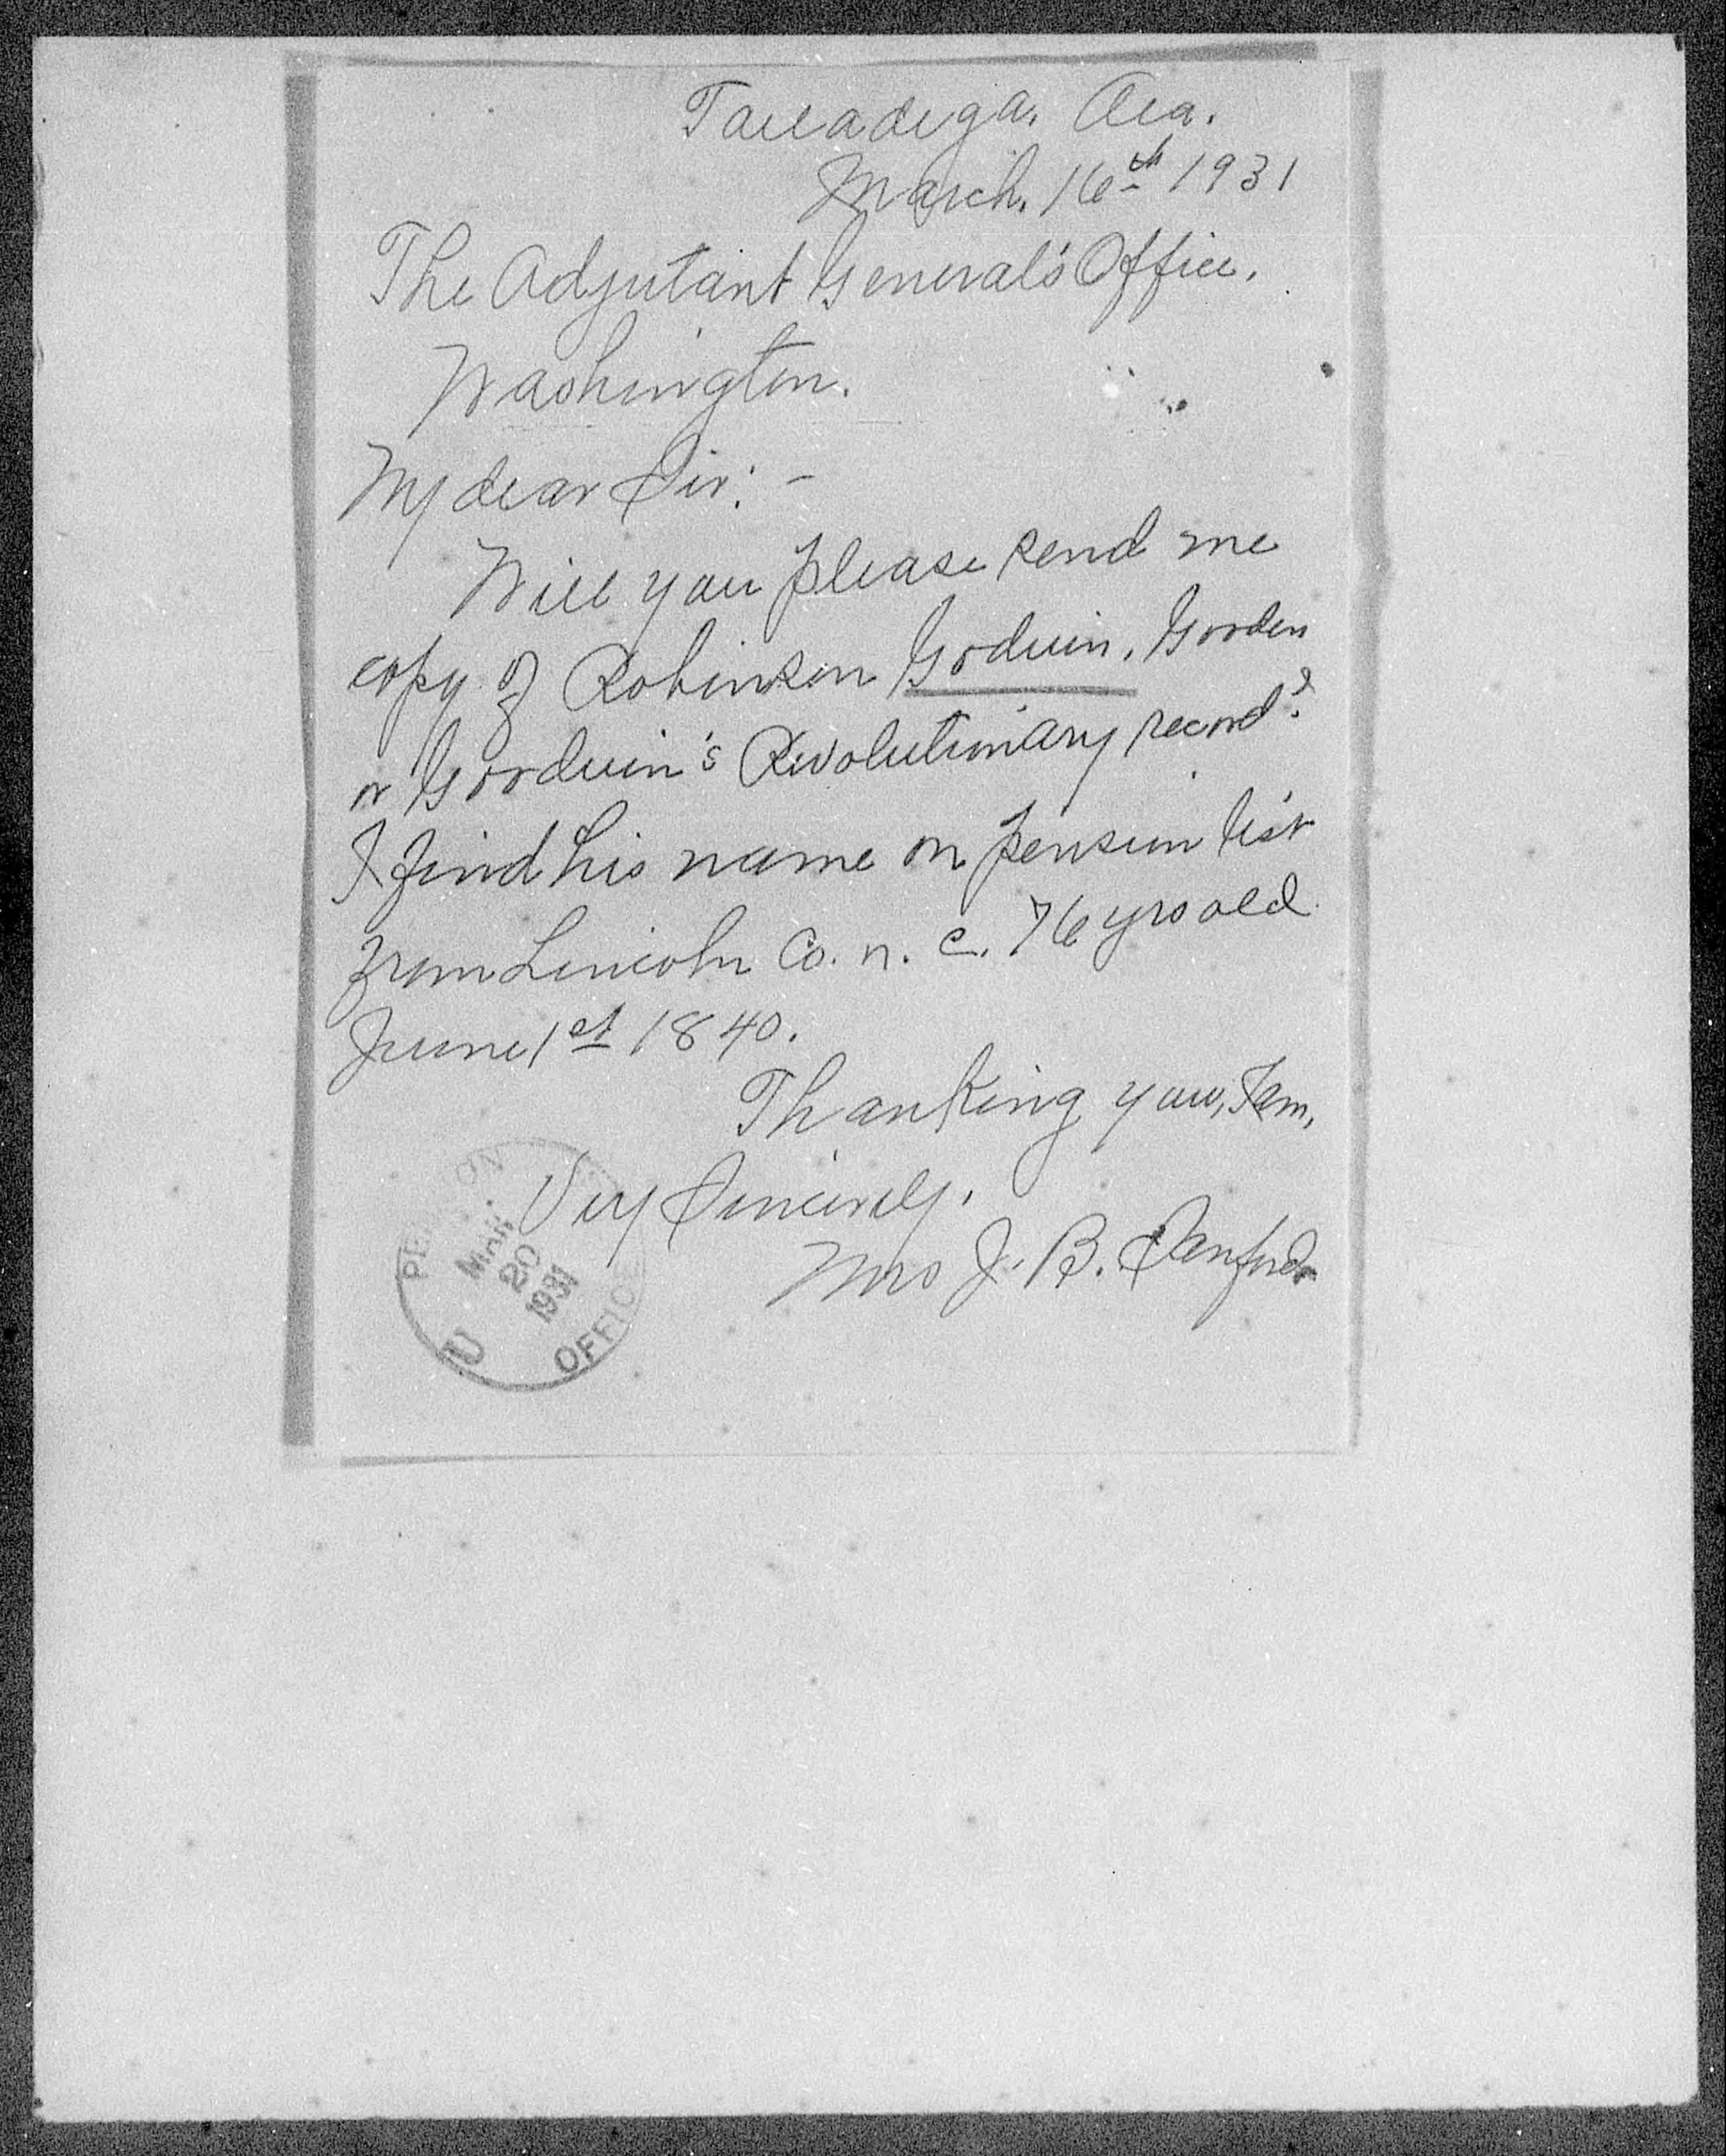Talladiga, Ala.
March 16th 1931
The Adjutant General's Office,
Washington
my dear Sir:
Will you please send me
copy of Robinson Godwin, Gooden or
Goodwin's Revolutionary record.
I find his name on pension list
from Lincoln Co. N.C. 76 yrs old
June 1st 1840.
Thanking you, 
very sincerely,
J. B. Sanford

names: Robinson Goodwin, J B Sanford, Robinson Gooden, Robinson Godwin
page: 16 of 16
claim: survivor's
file: S. 6,894, Robison Goodwin, N.C.